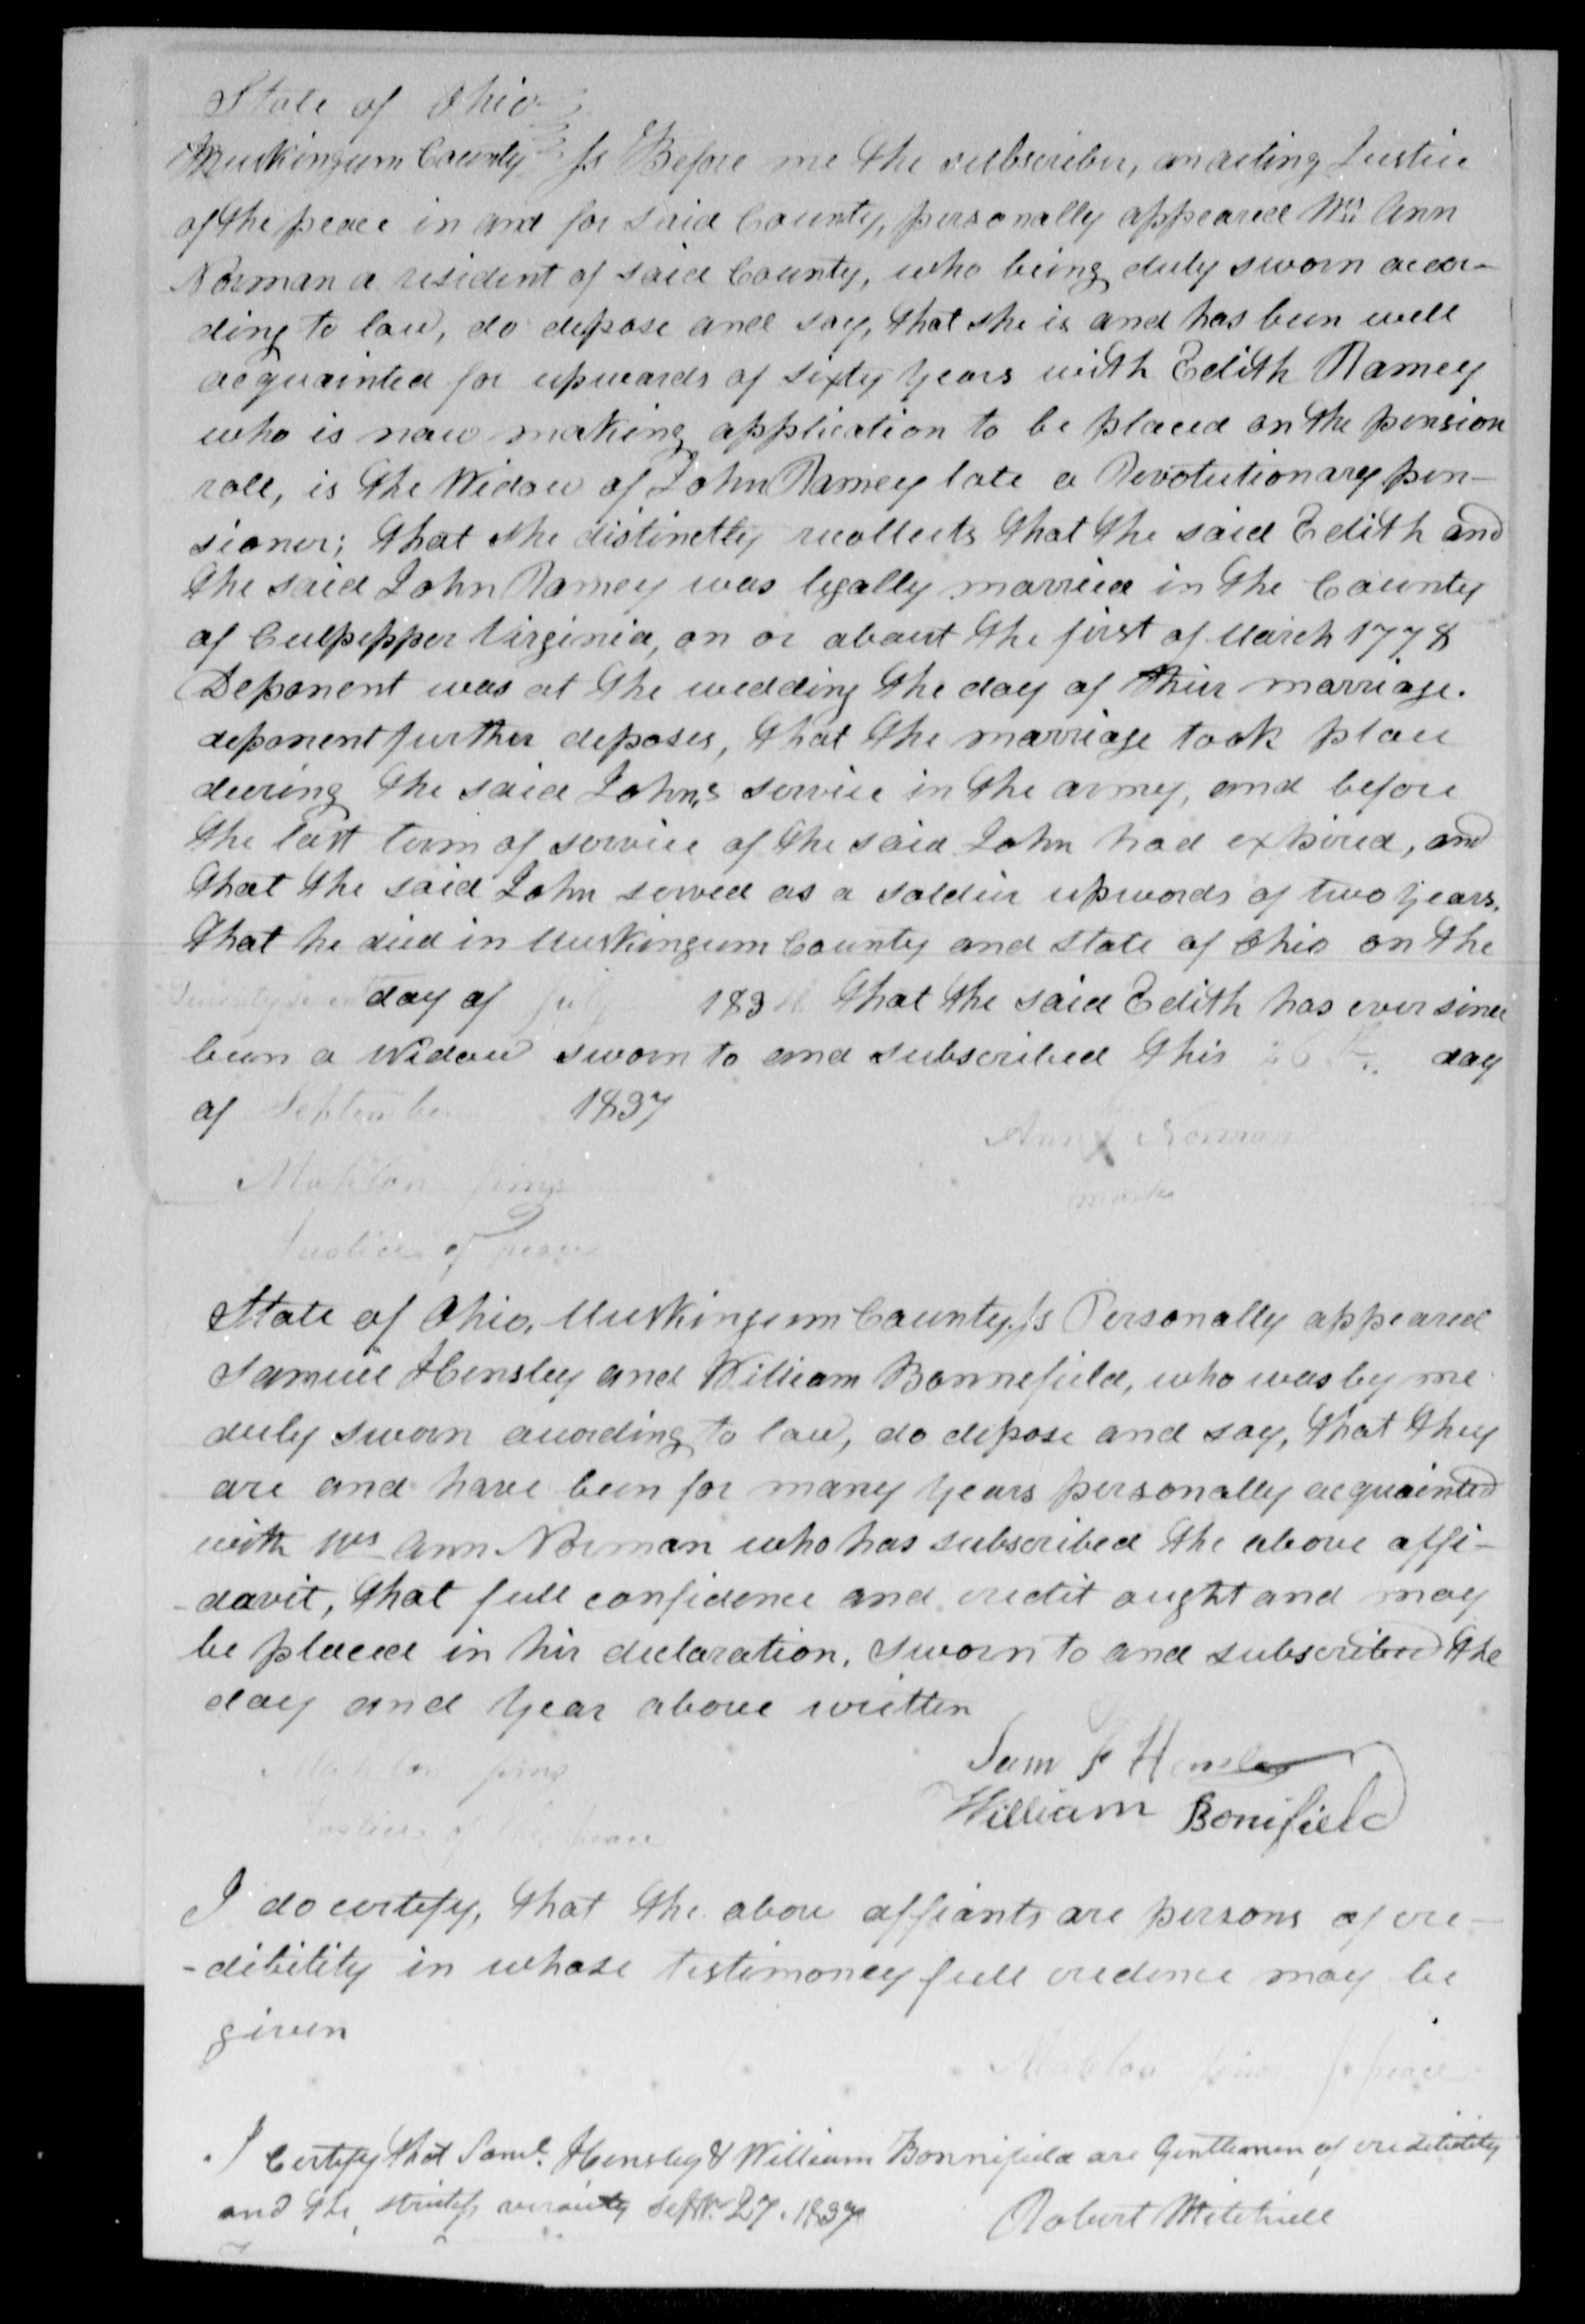State of Ohio
Muskingum County SS Before me the subscriber, an acting Justice of the peace in and for said County, personally appeared Mrs. Ann Norman a resident of said County, who being duly sworn according to law, do depose and say, that she is and has been well acquainted for upwards of sixty years with Edith Ramey who is now making application to be placed on the pension roll, is the Widow of John Ramey late a Revolutionary pensioner; that she distinctly recollects that the said Edith and the said John Ramey was legally married in the County of Culpepper Virginia on or about the first of March 1778 Deponent was at the wedding the day of their marriage. deponent further deposes, that the marriage took place during the said John's service in the army, and before the last term of service of the said John had expired, and that the said John served as a soldier upwards of two years, That he died in Muskingum County and State of Ohio on the twenty seven day of July 1834 That the said Edith has ever since been a Widow sworn to and subscribed this 26th day of September 1837
Ann Norman x her mark
Mahlon Sims
Justice of Peace

State of Ohio, Muskingum County. SS Personally appeared Samuel Hensley and William Brownfield, who was by me duly sworn according to law, do depose and say, that they are and have been for many years personally acquainted with Mrs. Ann Norman who has subscribed the above affidavit, that full confidence and credit ought and may be placed in hir declaration, Sworn to and subscribed the day and year above written
Sam F Hensley
William Bonifield
Mahlon Sims
Justice of the Peace
I do certify, that the above affiants are persons of credibility in whose testimony full credence may be given
Mahlon Sims Justice of Peace
I certify that Saml. Hensley & William Bonnifield are Gentlemen of credibility and the strictest veracity Septr. 27. 1837 Robert Mitchell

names: John [BLANK]; William Bonnefield; Edith [BLANK]; John Ramey; Samuel Hensley; John [BLANK]; Sam F Hensley; John Ramey; Ann Norman; Mahlon Sims; William Bonnifield; Ann Norman; Mahlon Sims; Robert Mitchiell; Saml Hensley; John [BLANK]; Edith [BLANK]; William Bonifield; Ann Norman; Edith Ramey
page: 12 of 84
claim: widow's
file: W.11104, for John Remay, Virginia